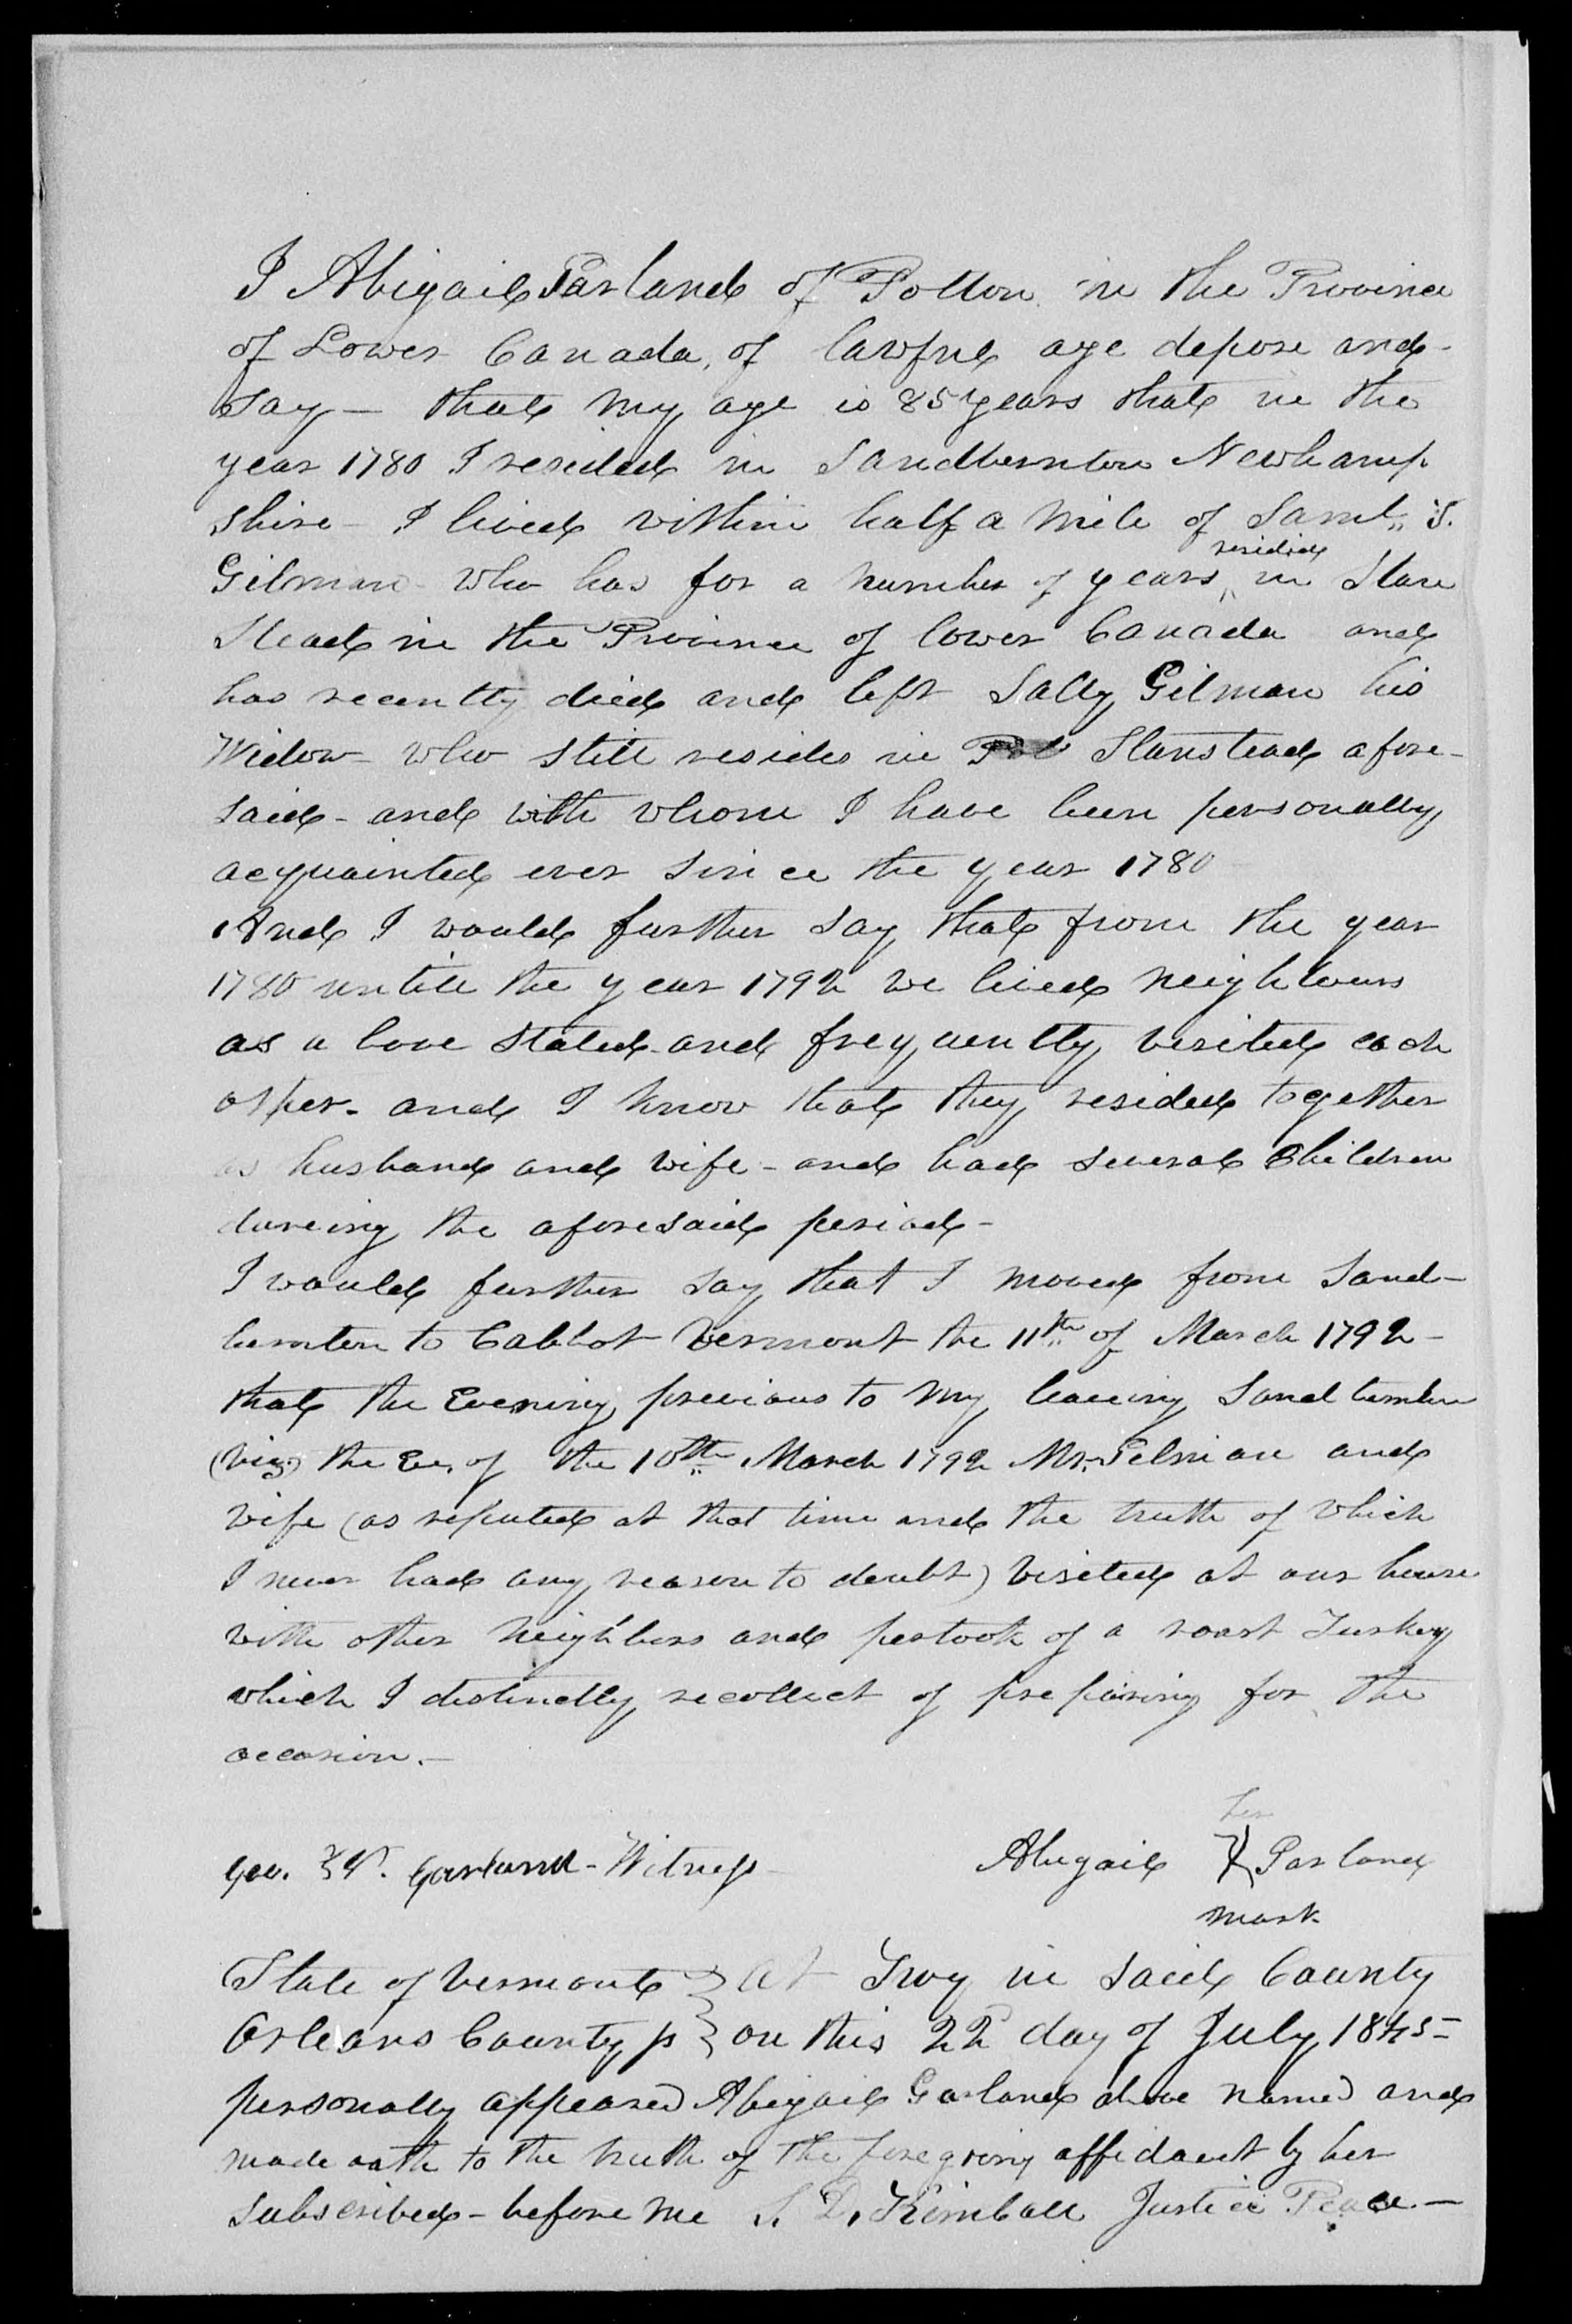I Abigail Garland of Pollon in the Province of Lower Canada of lawful age depose and say -- that my age is 85 years that in the 1780 I resided in Sandbornton Newhampshire - I lived with a half a mile of Saml. T. Gilman who has for a number of years resided in Stanstead in the Province of lower Canada  only has recently died and left Sally Gilman his Widow - who still resides in Stanstead aforesaid -- and with whom I have been personally acquainted ever since the year 1780
And I would further say that from the year 1780 until the year 1792 we lived neighbors as above stated and frequently visited each other - and I know that they resided together as husband and wife - and had several children during the aforesaid period -
I would further say that I moved from Sanbornton to Cabbot Vermont the 11th of March 1792 - that the Evening previous to my leaving Sandbornton (viz.) the eve of the 10th March 1792 Mr. Gilman and wife (as reputed at that time and the truth of which I never had any reason to doubt) visited at our house with other neighbors and partook of a roast Turkey which I distinctly recollect of preparing for the occasion

Geo. W. Garland Witness
Abigail Parland her X mark

State of Vermont
Orleans County ss }
At Troy in said County on this 22d day of July 1845 personal appeared Abigail Garland above named and made oath to the truth of the foregoing affidavit by her subscribed before me S. D. Kimball Justice Peace -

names: Abigail Parland, Geo W Garland, Abigail Garland, S D Kimball, Abigail Parland, Gilman, Saml T Gilman, Sally Gilman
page: 26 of 61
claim: widow's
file: W. 19500, Samuel Thing Gilman, Continental N.H.